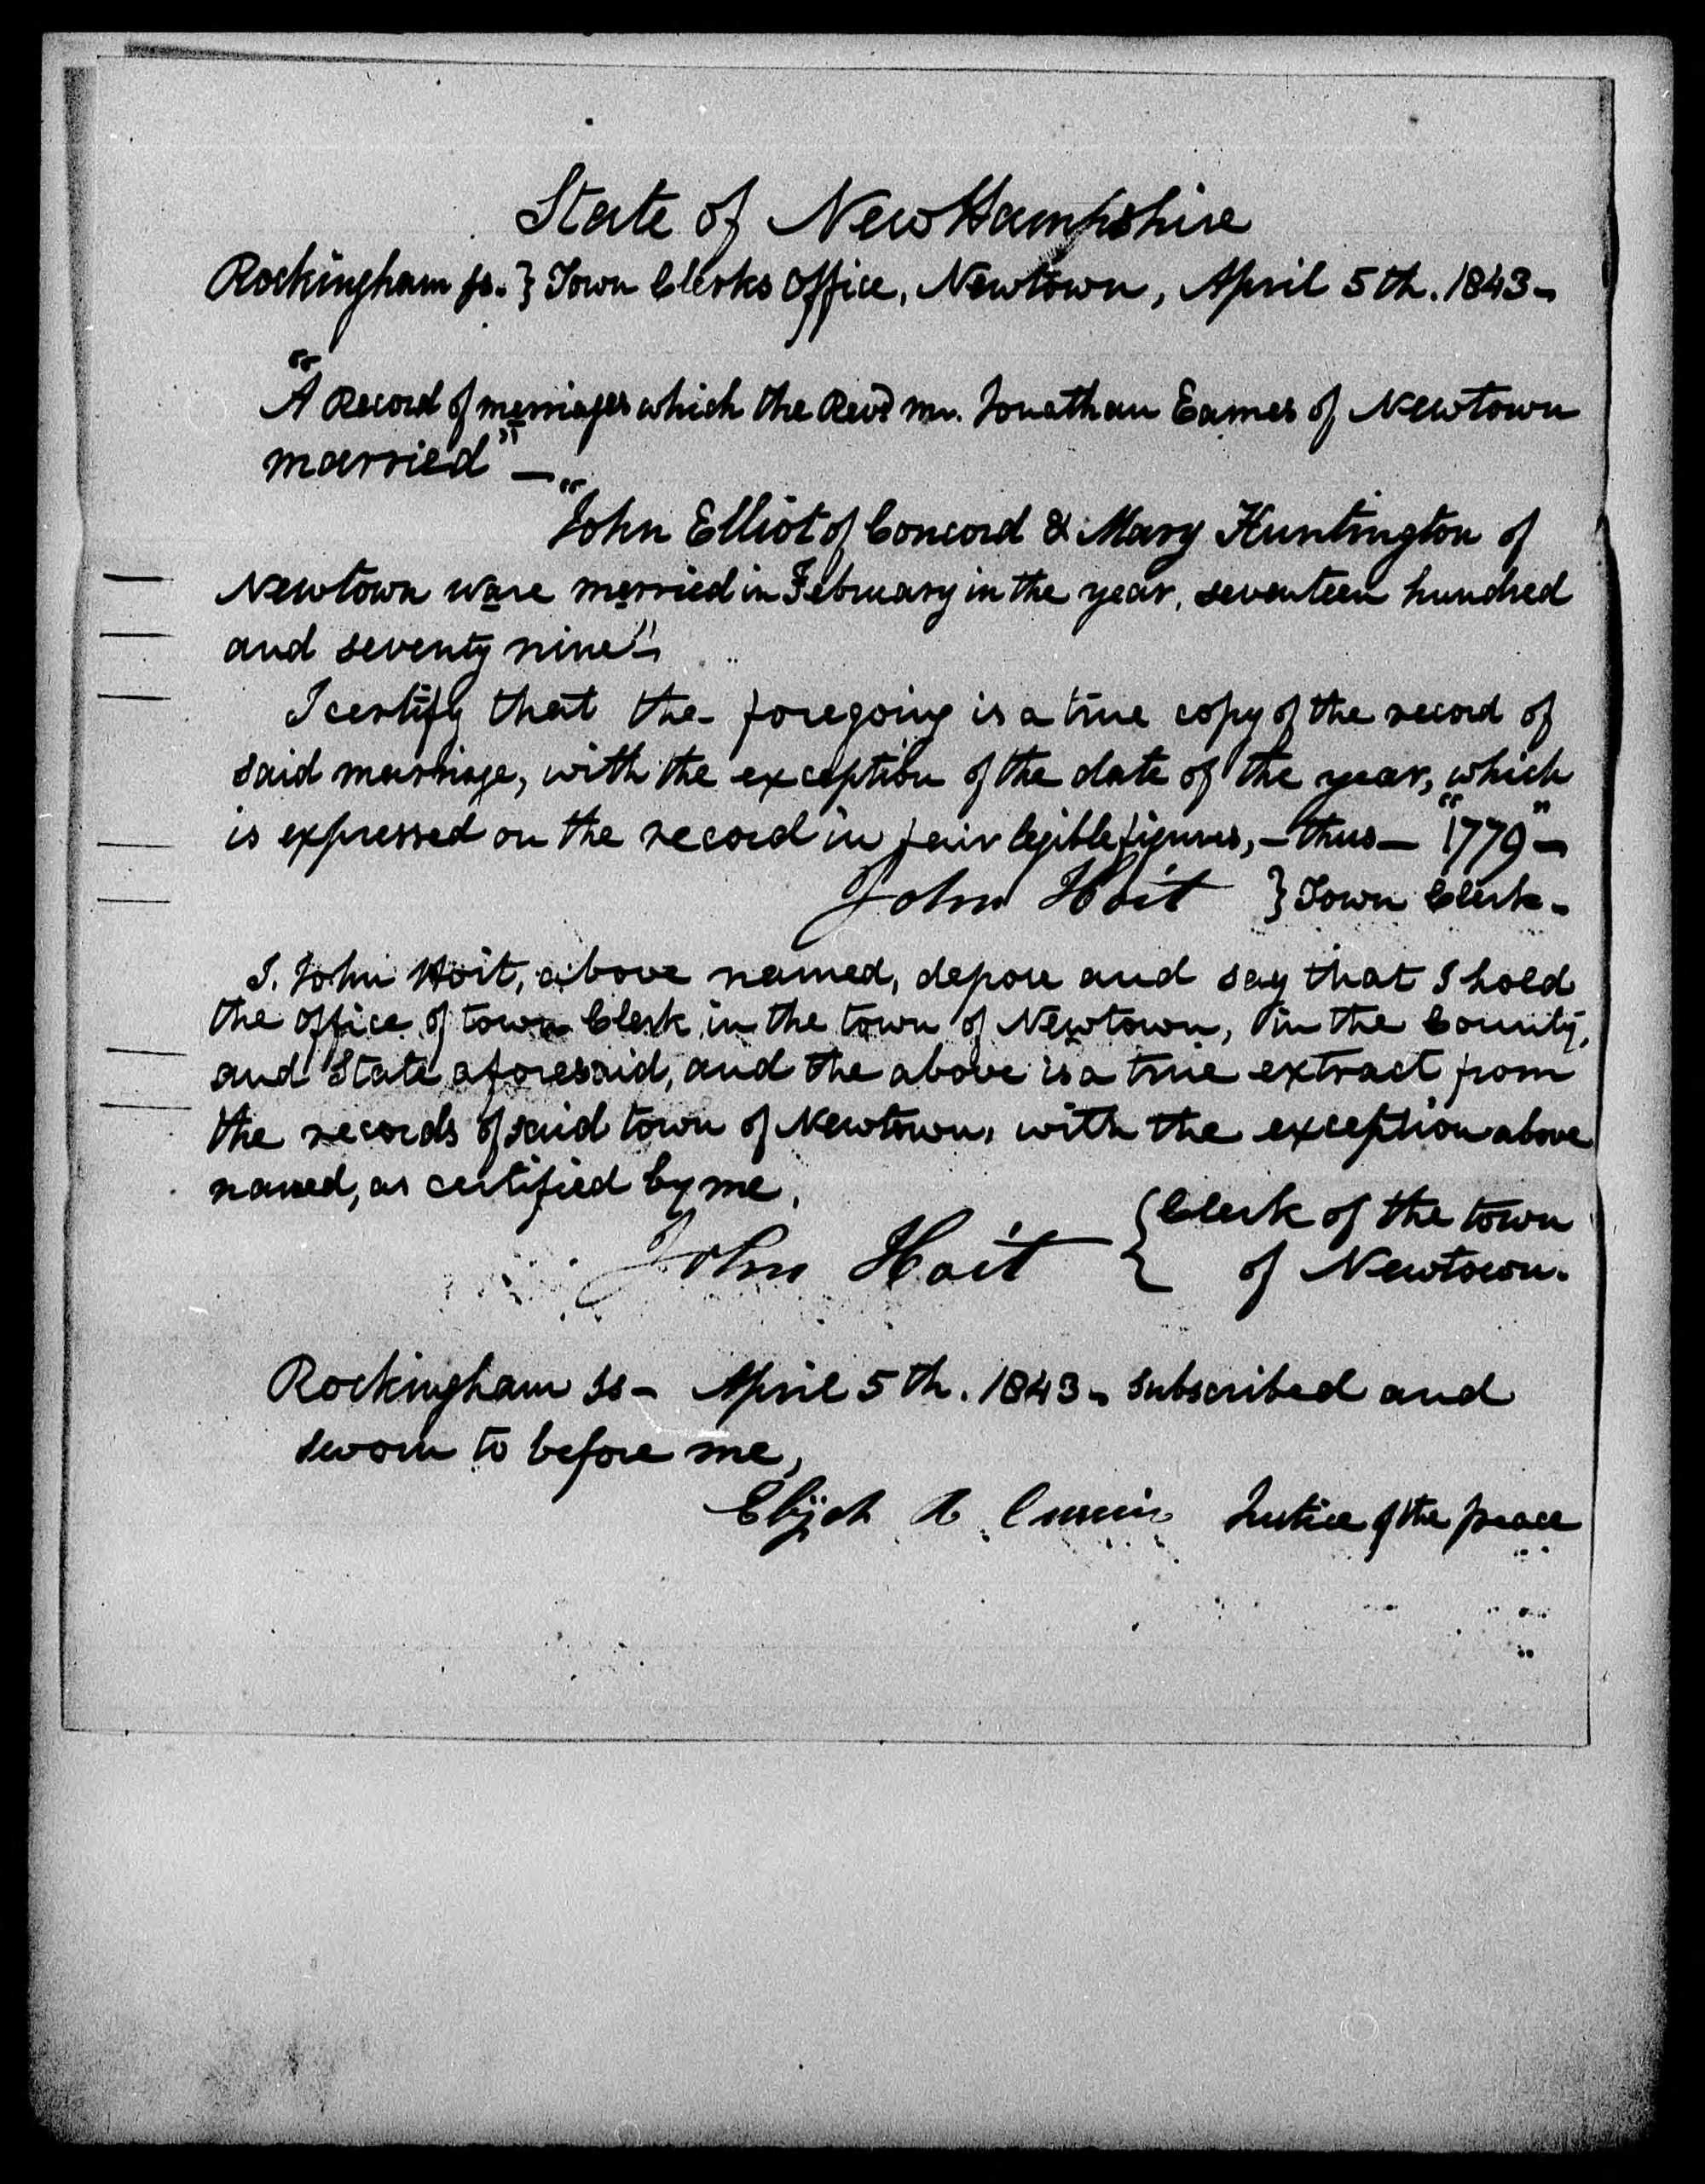State of New Hampshire
Rockingham ss. Town Clerks Office, Newtown, April 5th. 1843-
A Record of marriages which the Revd Mr. Jonathan Eames of Newtown
married -
John Elliot of Concord & Mary Huntington of
Newtown were married in February in the year seventeen hundred
and seventy nine
I certify that the foregoing is a true copy of the record of
said marriage, with the exception of the date of the year, which
is expressed on the record in fair legible figures,-- thus-- "1779"
John Hoit
Town Clerk

I, John Hoit, above named, depose and say that I hold
the office of town Clerk in the town of Newtown, in the County,
and State aforesaid, and the above is a true extract from
the records of said town of Newtown, with the exception above
named, as certified by me,
John Hoit
Clerk of the town of
Newtown
Rockingham ss. April 5th 1843, subscribed and
Sworn to before me,
Elijah A [illegible]
Justice of the peace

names: Jonathan Eames, Elijah R Currin, Mary Huntington, John Elliot, John Hoit, John Hoit, John Hoit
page: 16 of 57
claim: widow's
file: W. 16,114, John Elliot, Continental (Mass) N.H.